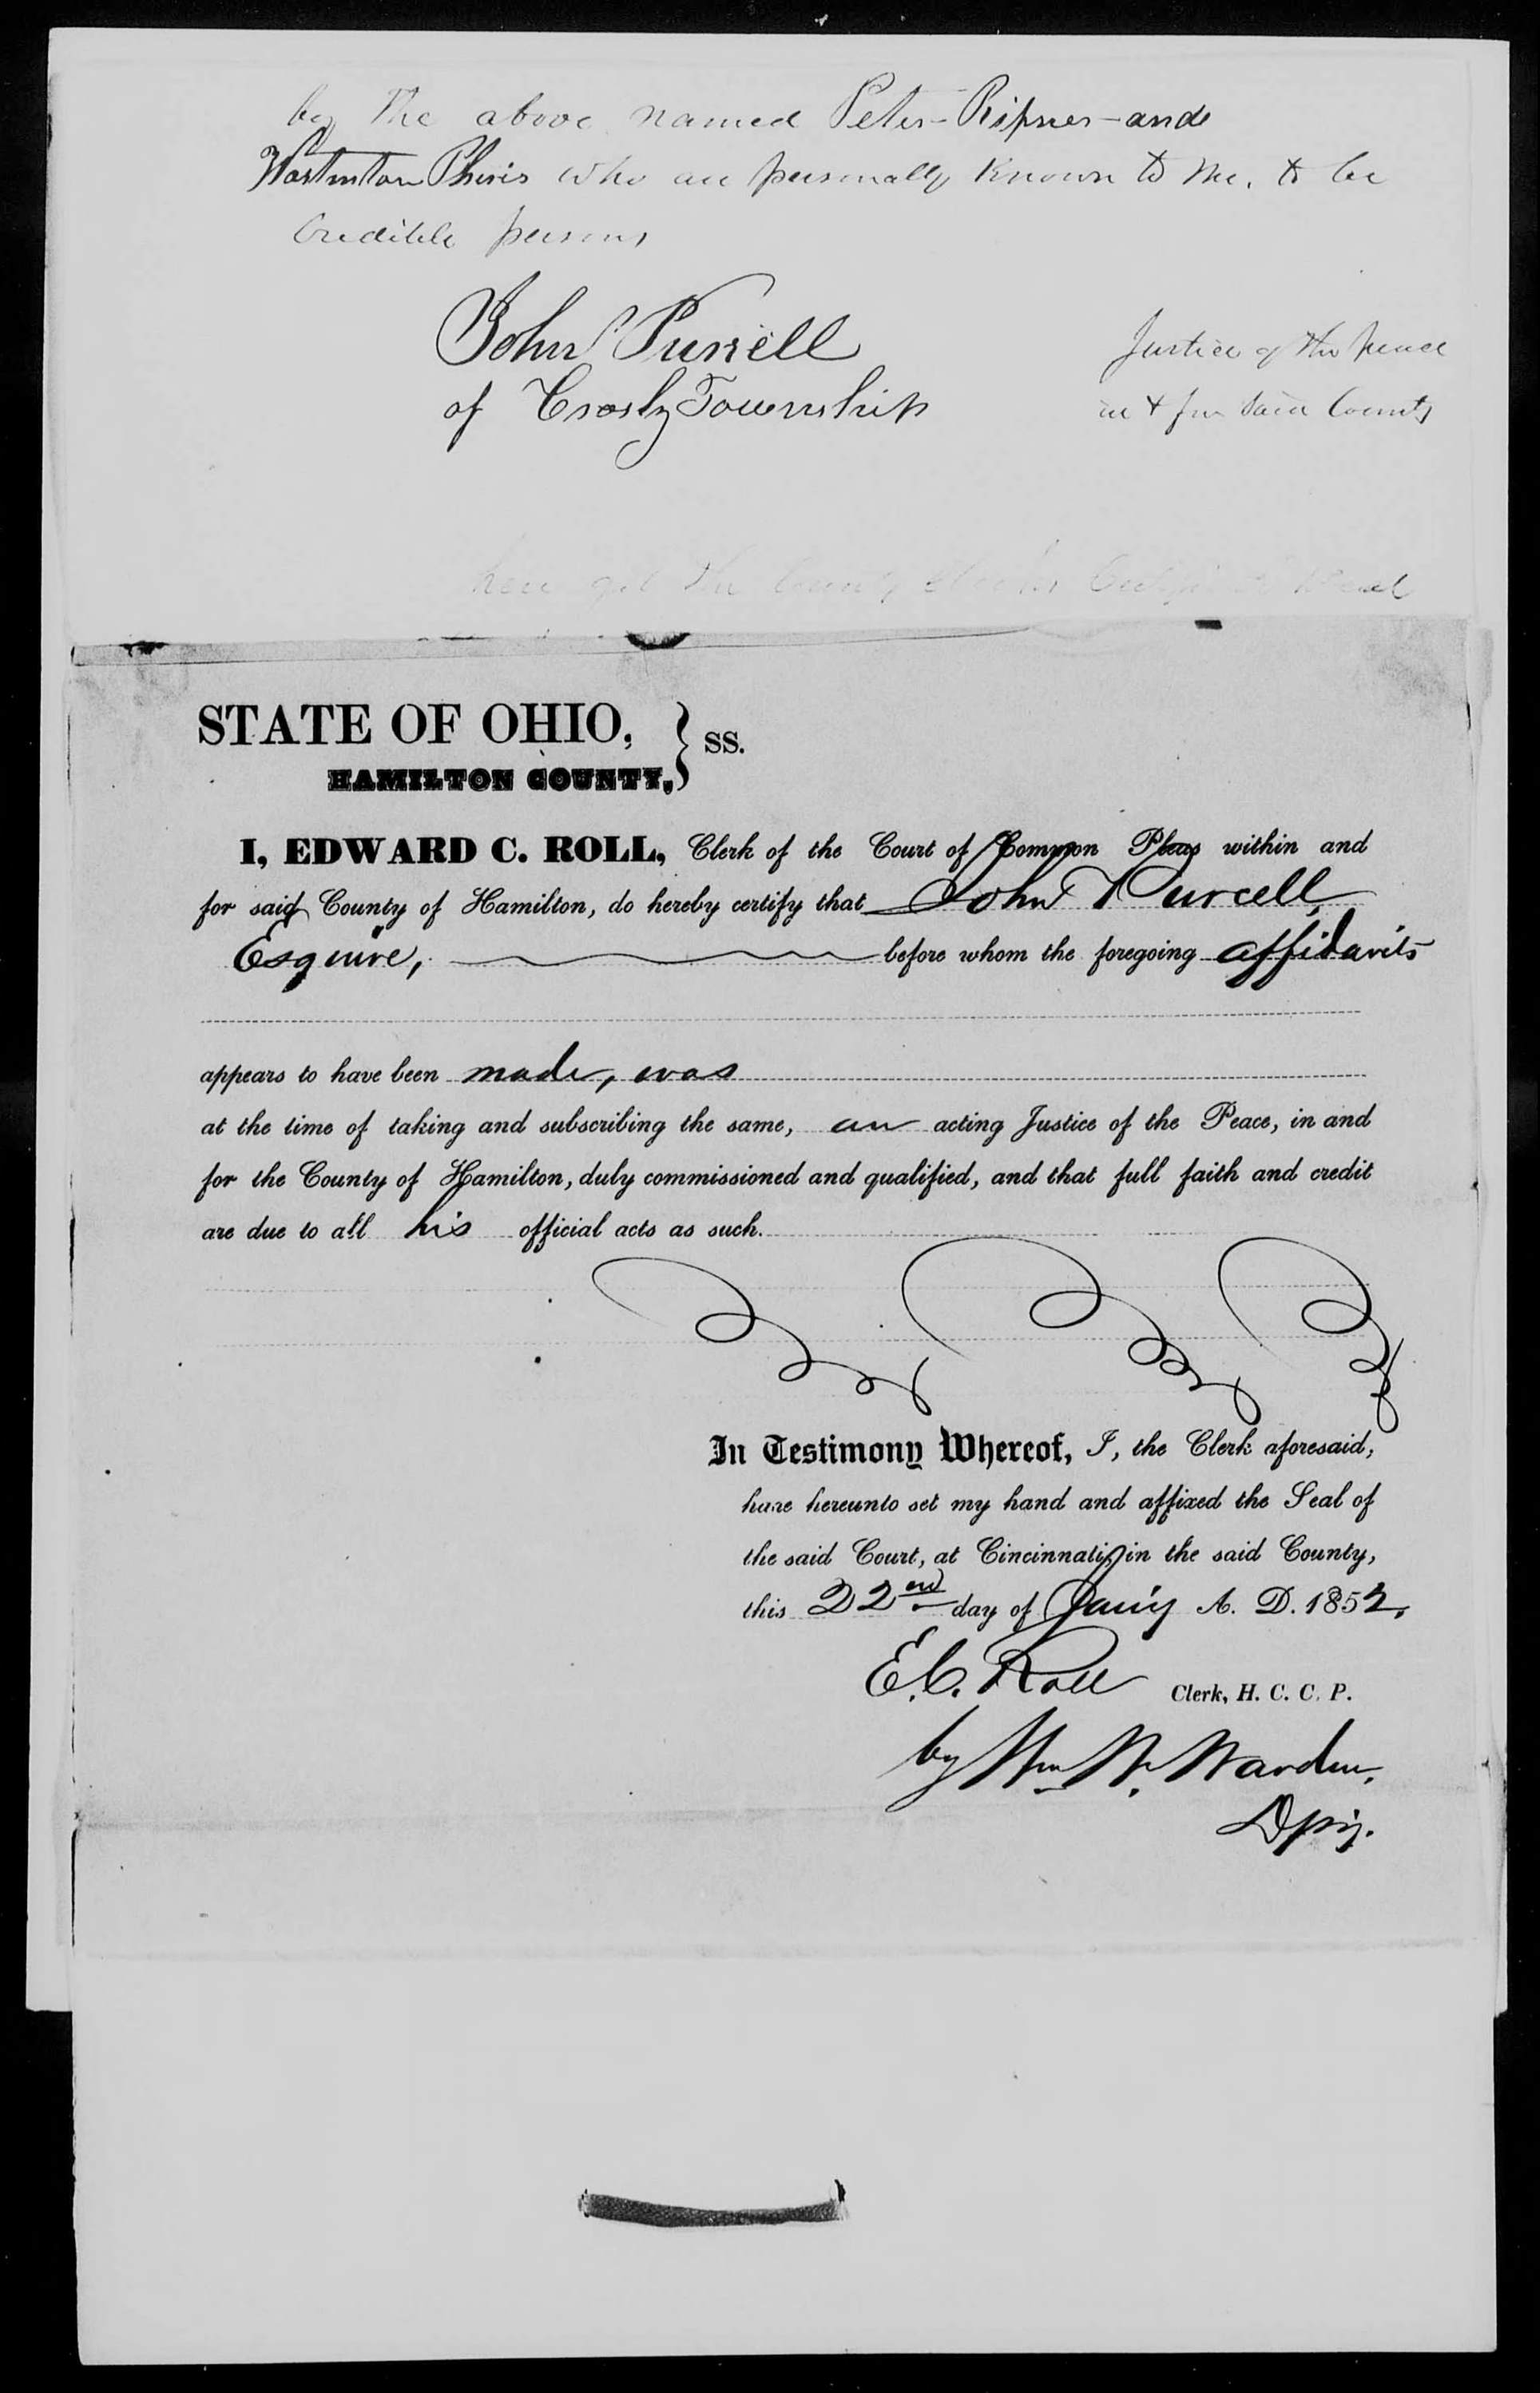by the above named Peter Rifner and Washington Pheris who are personally known to me to be credible persons.
John Purcell
of Crosby Township
Justice of the Peace in & for said County


State of Ohio, 
Hamilton County }ss
I, Edward C. Roll, Clerk of the Court of Common Pleas within and for said County of Hamilton, do hereby certify that John Purcell Esquire, before whom the foregoing affidavit appears to have been made, was at the time of taking and subscribing the same, an acting Justice of the Peace, in and for the County of Hamilton, duly commissioned and qualified, and that full faith and credit are due to all his official acts as such.

In testimony whereof, I, the Clerk aforesaid have hereunto set my hand and affixed the Seal of the said Court, at Cincinnati, in the said County, this 22nd day of Jany A.D. 1852
E.C. Roll Clerk H.C.C.P
by Wm. W Warden
Dpy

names: E C Roll, Wm W Warden, Washinton Pheris, John Pursell, John Purcell, Peter Rifner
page: 54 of 67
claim: rejected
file: R. 1009, Aaron Bonnel, New Jersey